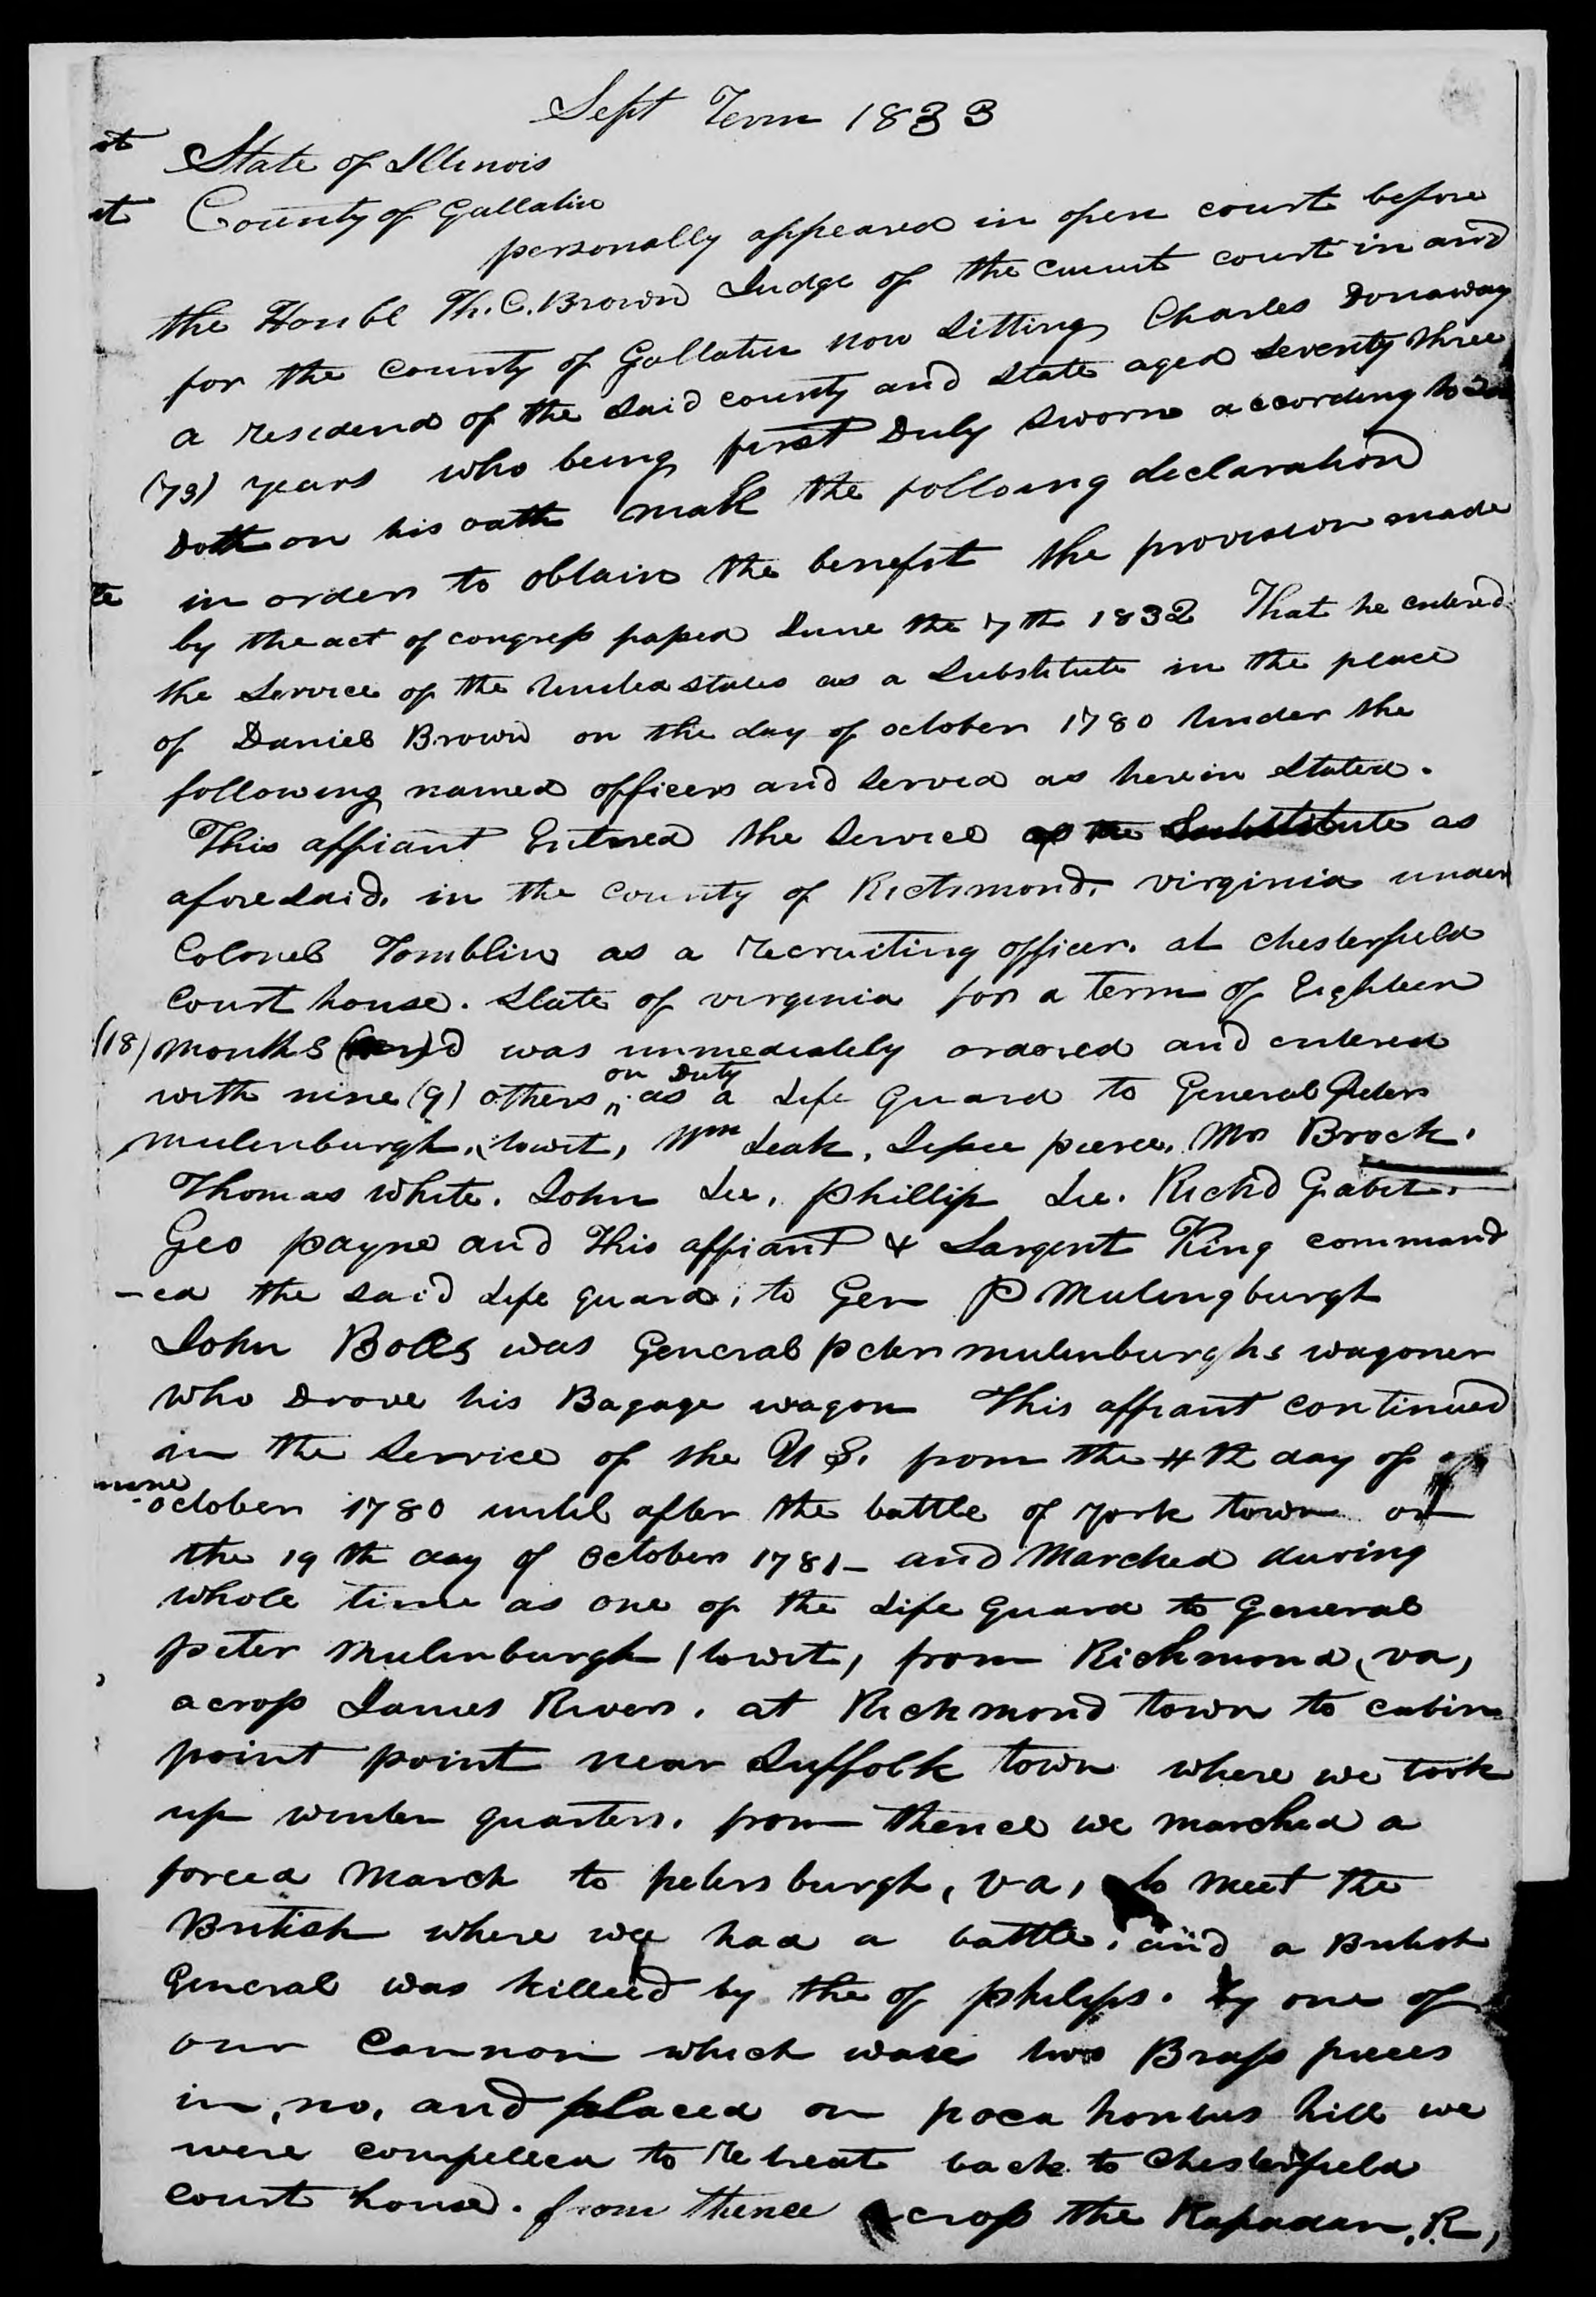Sept Term 1833
State of Illinois
County of Gallatin 
personally appeared in open court before the Honble Th. C. Brown Judge of the Circuit court in and for the County of Gallatin now sitting Charles Donoway a resident of the said county and state aged seventy three (73) years who being first Duly sworn according to law doth on his oath make the following declaration in order to obtain the benefit the provision made by the act of congress passed June the 7th 1832 That he entered the Service of the United States as a Substitute in the place of Daniel Brown on the day of October 1780 under the following named officers and served as herein stated.
This affiant Entered the Service as aforesaid, in the County of Richmond, Virginia under Colonel Tomblin as a recruiting officer, at Chesterfield Court house. State of Virginia for a term of Eighteen (18) months and was immediately ordered and entered with nine (9) others on duty as a Life guard to General Peter Mulenburgh, (to wit) Wm Leak, Jessee Pearce, Wm Brock, Thomas White, John Lee, Phillip Lee, Richd Gabil Geo Payne and This affiant & Sergeant King commanded the said Life guard, to Gen P Mulenburgh who drove his Bagage wagon This affiant continued in the service of the US. from the 4th day of October 1780 until after the battle of York town on the 19th day of October 1781 - and Marched during whole time as one of the Life Guard to General Peter Mulenburgh (to wit) from Richmond (Va) across James River, at Richmond town to cabin point point near Suffolk town where we took up winter quarters, from thence we marched a forced march to Petersburgh (Va) to meet the British where we had a battle, and a British General was killed by the of Philips by one of our Cannon which were two Brass pieces in (no) and placed on Pocahontas hill we were compelled to retreat back to Chesterfield Court house. from thence across the Rapaden R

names: Thomas White, Wm Brock, Phillip Lee, John Lee, Geo Payne, Wm Leak, Peter Mulenburgh, Tomblin, Phillips, Daniel Brown, Bagage Wagon, Wagoner, John Bolls, King, Peter Mulenburgh, P Mulengburgh, Richd Gabel, Th C Brown, Charles Donoway, Jesse Pierce, Peter Mulenburghs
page: 2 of 29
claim: rejected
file: R. 3010, Charles Donaway, Va.